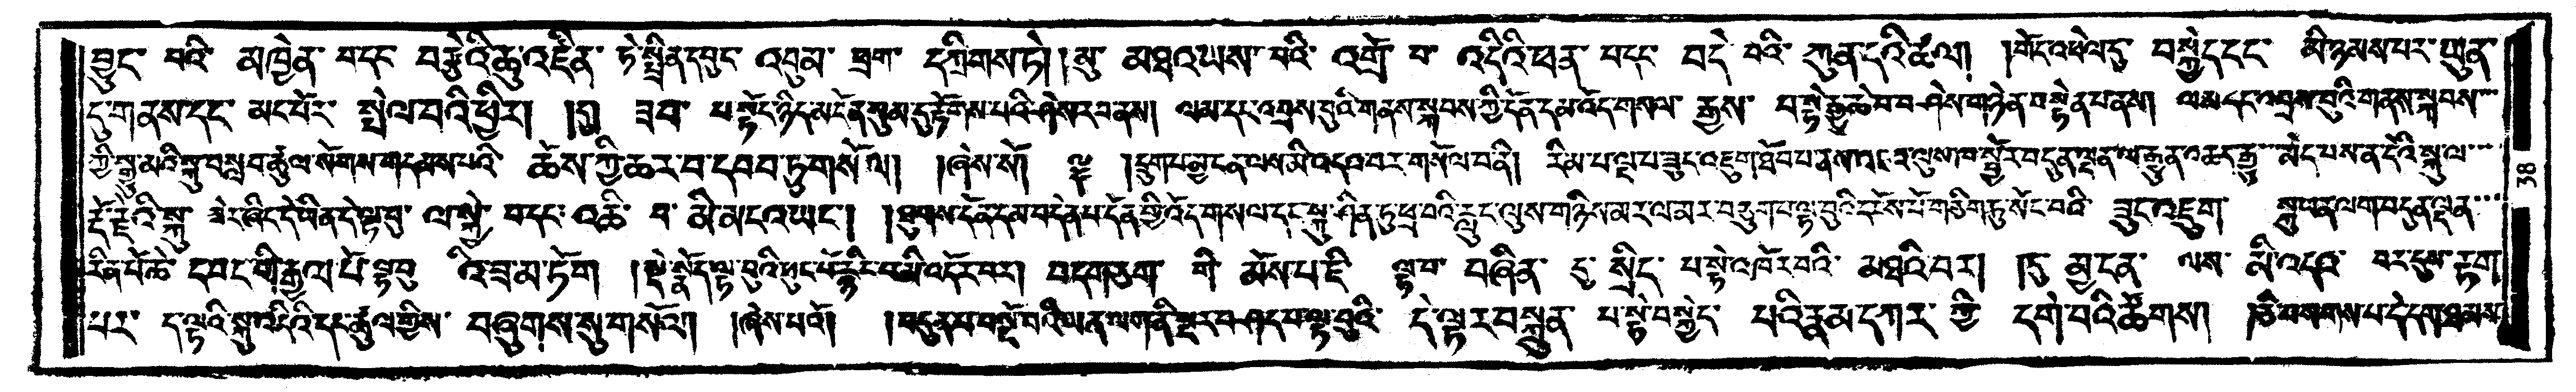བྱུང་བའི་མཁྱེན་པ་དང་བརྩེའི་ཆུ་འཛིན་ཏེ་སྤྲིན་དཔུང་འབུམ་ཕྲག་དཀྲིགས་ཏེ། །མུ་མཐའ་ཡས་པའི་འགྲོ་བ་འདིའི་ཕན་པ་དང་བདེ་བའི་ཀུན་དའི་ཚལ། །གོང་འཕེལ་དུ་བསྐྱེད་དང་མི་ཉམས་པར་ཡུན་
དུ་གནས་དང་མང་པོར་སྤེལ་བའི་ཕྱིར། །དུ། ཟབ་པ་སྟོང་ཉིད་མངོན་སུམ་དུ་རྟོགས་པའི་ཤེས་རབ་ནས། ལམ་དང་འབྲས་བུའི་གནས་སྐབས་ཀྱི་དོན་དམ་འོད་གསལ་རྒྱས་པ་སྟེ་རྒྱ་ཆེ་བ་བཤེས་གཉེན་བསྟེན་པ་ནས། ལས་དང་འབྲས་བུའི་གནས་སྐབས་
ཀྱི་སྒྱུ་མའི་སྐུ་བསླབ་ཚུལ་སོགས་གདམས་པའི་ཆོས་ཀྱི་ཆར་བ་དབབ་ཏུ་གསོལ། །ཞེས་སོ། ༈ །དྲུག་པ་མྱ་ངན་ལས་མི་འདའ་བར་གསོལ་བ་ནི། རིམ་པ་ལྔ་པ་ཟུང་འཇུག་ཐོབ་པ་ནས་འཐའ་ལུས་ཁ་སྦྱོར་བདུན་ལྡན་ལ་རྒྱུན་འཆད་རྒྱུ་མེད་པས་ན་དེའི་སྐུ་ལ་
རྡོ་རྗེའི་སྐུ་ཟེར་ཞིང་དེ་ཡིན་དེ་ལྟ་བུ་ལ་སྐྱེ་བ་དང་འཆི་བ་མི་མངའ་ཡང་། །ཐུགས་དོན་དམ་བདེན་པ་དོན་གྱི་འོད་གསལ་དང་སྐུ་ཤིན་ཏུ་ཕྲ་བའི་རླུང་ལུས་གཉིས་མར་ལ་མར་བཅུག་པ་ལྟ་བུའི་དངོས་པོ་གཅིག་ཏུ་སོང་བའི་ཟུང་འཇུག་སྐུ་ཡན་ལག་བདུན་ལྡན་
རིན་པོ་ཆེ་དབང་གི་རྒྱལ་པོ་ལྟ་བུའི་ཟ་མ་ཏོག །སྡེ་སྣོད་ལྟ་བུའི་ཕུང་པོ་རྙིང་པ་མི་འདོར་བར། བདག་ཅག་གི་མོས་པ་ཇི་ལྟ་བ་བཞིན་དུ་སྲིད་པ་སྟེ་འཁོར་བའི་མཐའི་བར། །དུ་མྱ་ངན་ལས་མི་འདའ་བར་དུས་རྟག་
པར་ད་ལྟའི་སྐུ་འདིའི་དང་ཚུལ་གྱིས་བཞུགས་སུ་གསོལ། །ཞེས་པའོ། །བདུན་པ་བསྔོ་བའི་ཡན་ལག་ནི་སྔར་བཤད་པ་ལྟ་བུའི་དེ་ལྟར་བསྐྲུན་པ་སྟེ་བསྐྱེད་པའི་རྣམ་དཀར་ཀྱི་དགེ་བའི་ཚོགས། །ཅི་བསགས་པ་དེ་དག་ཐམས་